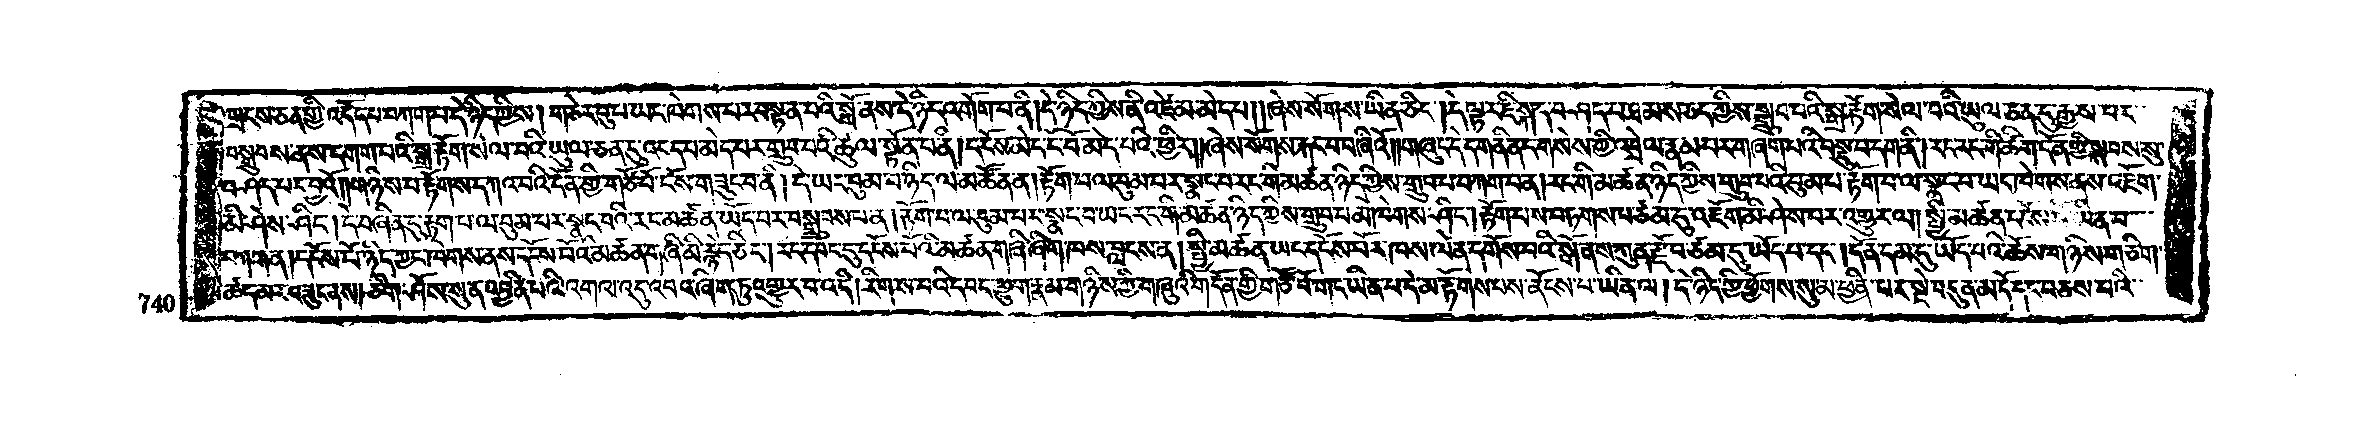གྲངས་ཅན་གྱི་འདོད་པ་བཀག་པ་དེ་ཉིད་ཀྱིས། གཅེར་བུ་པ་ཡང་ཁེགས་པར་བསྟན་པའི་སྒོ་ནས་དེ་ཉིད་འགོག་པ་ནི། དེ་ཉིད་ཀྱིས་ནི་འཛེམ་མེད་པ། །ཞེས་སོགས་ཡིན་ཅིང་། དེ་ལྟར་ཇི་སྐད་བཤད་པ་ཐམས་ཅད་ཀྱིས་སྒྲུབ་པའི་སྒྲ་རྟོག་སེལ་བའི་ཡུལ་ཅན་དུ་རྒྱས་པར་
བསྒྲུབས་ནས་དགག་པའི་སྒྲ་རྟོག་སེལ་བའི་ཡུལ་ཅན་དུའང་དཔེ་མེད་པར་གྲུབ་པའི་ཚུལ་སྟོན་པ་ནི། དངོས་མེད་ངོ་བོ་མེད་པའི་ཕྱིར། །ཞེས་སོགས་རྐང་པ་བཞིའོ། །གཞུང་དེ་དག་ནི་ནང་གསེས་ཀྱི་འབྲེལ་རྣམ་པར་གཞག་པའི་བསྡུ་བ་དག་ནི། རང་རང་གི་ཚིག་དོན་གྱི་སྐབས་སུ་
བཤད་པར་བྱའོ། །གཉིས་པ་རྟོགས་དཀའ་བའི་དོན་གྱི་གཙོ་བོ་ངོས་གཟུང་བ་ནི། དེ་ཡང་བུམ་པ་ཉིད་ལ་མཚོན་ན། རྟོག་པ་ལ་བུམ་པར་སྣང་བ་རང་གི་མཚན་ཉིད་ཀྱིས་གྲུབ་པ་བཀག་པ་ན། རང་གི་མཚན་ཉིད་ཀྱིས་གྲུབ་པའི་བུམ་པ་རྟོག་པ་ལ་སྣང་བ་ཡང་ཁེགས་ནས་འཇོག་
མི་ཤེས་ཤིང་། དེ་བཞིན་དུ་རྟག་པ་ལ་བུམ་པར་སྣང་བའི་རང་མཚན་ཡོད་པར་བསྒྲུབས་པ་ན། རྟོག་པ་ལ་བུམ་པར་སྣང་བ་ཡང་རང་གི་མཚན་ཉིད་ཀྱིས་གྲུབ་པ་མེ་ཁེགས་ཤིང་། རྟོག་པས་བཏགས་པ་ཙམ་དུ་འཇོག་མི་ཤེས་པར་འགྱུར་ལ། སྤྱི་མཚན་དངོས་པོ་ཡིན་པ་
བཀག་ན། དངོས་པོ་ཉིད་ཀྱང་ཁེགས་ནས་དངོས་པོའི་མཚན་གཞི་མི་རྙེད་ཅིང་། རང་དབང་དུ་དངོས་པོའི་མཚན་གཞི་ཞིག་ཁས་བླངས་ན། སྤྱི་མཚན་ཡང་དངོས་པོར་ཁས་ལེན་དགོས་པའི་སྒོ་ནས་ཀུན་རྫོབ་ཙམ་དུ་ཡོད་པ་དང་། དོན་དམ་དུ་ཡོད་པའི་ཆོས་གཉིས་གཅིག་
ཚད་མར་བཟུང་ནས། ཅིག་ཤོས་སུན་འབྱིན་པའི་འགལ་འདུ་འབའ་ཞིག་ཏུ་འགྱུར་བ་འདི། རིགས་པའི་དབང་ཕྱུག་རྣམ་གཉིས་ཀྱི་གཞུའི་གདོན་གྱི་གཙོ་བོ་གང་ཡིན་པ་དེ་མ་རྟོགས་པས་ནོངས་པ་ཡིན་ལ། དེ་ཉིད་ཀྱི་ཕྱོགས་སུ་མ་ཕྱིན་པར་སྡེ་བདུན་མདོ་དང་བཅས་པའི་